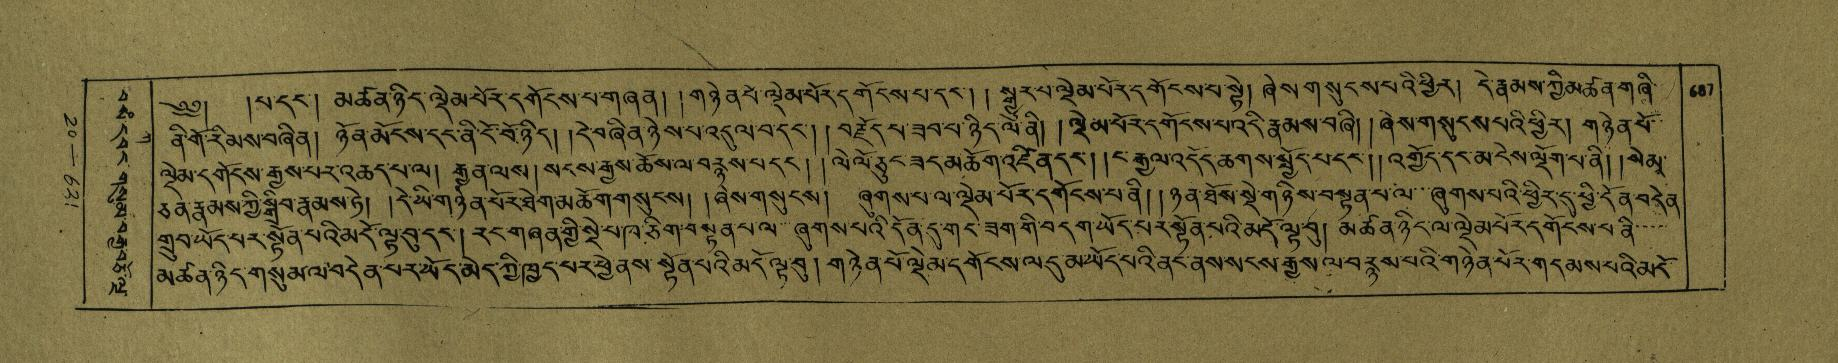༄༅། །པ་དང་། མཚན་ཉིད་ལྡེམ་པོར་དགོངས་པ་གཞན། །གཉེན་པོ་ལྡེམ་པོར་དགོངས་པ་དང་། །སྒྱུར་པ་ལྡེམ་པོར་དགོངས་པ་སྟེ། ཞེས་གསུངས་པའི་ཕྱིར། དེ་རྣམས་ཀྱི་མཚན་གཞི་
ནི་གོ་རིམས་བཞིན། ཉོན་མོངས་དང་ནི་ངོ་བོ་ཉིད། །དེ་བཞིན་ཉེས་པ་འདུལ་བ་དང་། །བརྗོད་པ་ཟབ་པ་ཉིད་ལ་ནི། །ལྡེམ་པོར་དགོངས་པ་འདི་རྣམས་བཞི། །ཞེས་གསུངས་པའི་ཕྱིར། གཉེན་པོ་
ལྡེམ་དགོངས་རྒྱས་པར་འཆད་པ་ལ། རྒྱན་ལས། སངས་རྒྱས་ཆོས་ལ་བརྙས་པ་དང་། །ལེ་ལོ་ཅུང་ཟད་མཆོག་འཛིན་དང་། །ང་རྒྱལ་འདོད་ཆགས་སྤྱོད་པ་དང་། །འགྱོད་དང་མ་ངེས་ལྡོག་པ་ནི། །སེམས་
ཅན་རྣམས་ཀྱི་སྒྲིབ་རྣམས་ཏེ། །དེ་ཡི་གཉེན་པོར་ཐེག་མཆོག་གསུངས། །ཞེས་གསུངས། ཞུགས་པ་ལ་ལྡེམ་པོར་དགོངས་པ་ནི། །ཉན་ཐོས་སྡེ་གཉིས་བསྟན་པ་ལ་ཞུགས་པའི་ཕྱིར་དུ་ཕྱི་དོན་བདེན་
གྲུབ་ཡོད་པར་སྟོན་པའི་མདོ་ལྟ་བུ་དང་། རང་གཞན་གྱི་སྡེ་པ་ཁ་ཅིག་བསྟན་པ་ལ་ཞུགས་པའི་དོན་དུ་གང་ཟག་གི་བདག་ཡོད་པར་སྟོན་པའི་མདོ་ལྟ་བུ། མཚན་ཉིད་ལ་ལྡེམ་པོར་དགོངས་པ་ནི་
མཚན་ཉིད་གསུམ་ལ་བདེན་པར་ཡོད་མེད་ཀྱི་ཁྱད་པར་ཕྱེ་ནས་སྟོན་པའི་མདོ་ལྟ་བུ། གཉེན་པོ་ལྡེམ་དགོངས་ལ་དུ་མ་ཡོད་པའི་ནང་ནས་སངས་རྒྱས་ལ་བརྙས་པའི་གཉེན་པོར་གདམས་པའི་མདོ་